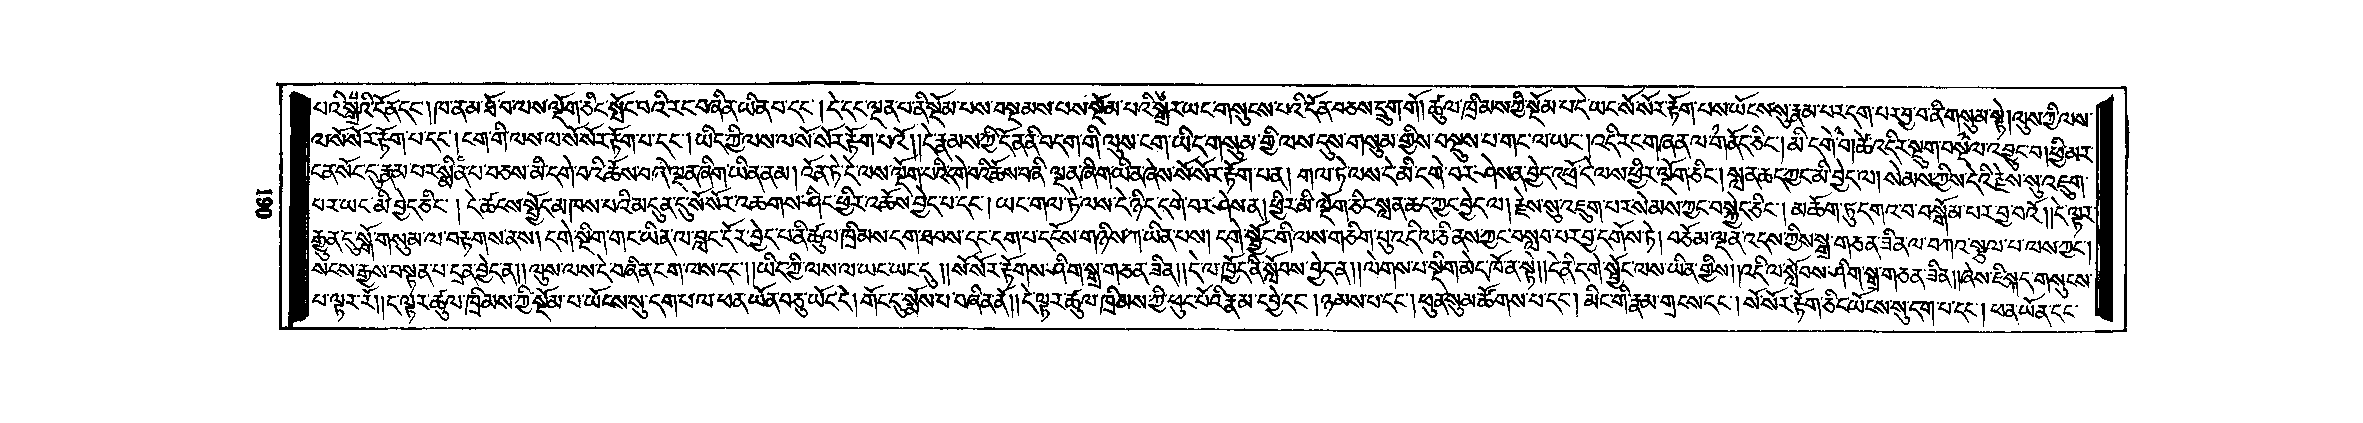པའི་སྒྲའི་དོན་དང་། ཁ་ན་མ་ཐོ་བ་ལས་ལྡོག་ཅིང་སྤོང་བའི་རང་བཞིན་ཡིན་པ་དང་། དེ་དང་ལྡན་པ་ནི་སྡོམ་པས་བསྡམས་པས་སྡོམ་པའི་སྒྲར་ཡང་གསུངས་པའི་དོན་བཅས་དྲུག་གོ །ཚུལ་ཁྲིམས་ཀྱི་སྡོམ་པ་དེ་ཡང་སོ་སོར་རྟོག་པས་ཡོངས་སུ་རྣམ་པར་དག་པར་བྱ་བ་ནི་གསུམ་སྟེ། ལུས་ཀྱི་ལས་
ལ་སོ་སོར་རྟོག་པ་དང་། ངག་གི་ལས་ལ་སོ་སོར་རྟོག་པ་དང་། ཡིད་ཀྱི་ལས་ལ་སོ་སོར་རྟོག་པའོ། །དེ་རྣམས་ཀྱི་དོན་ནི་བདག་གི་ལུས་ངག་ཡིད་གསུམ་གྱི་ལས་དུས་གསུམ་གྱིས་བསྡུས་པ་གང་ལ་ཡང་། འདི་རང་གཞན་ལ་གནོད་ཅིང་། མི་དགེ་བ། ཚེ་འདིར་སྡུག་བསྔལ་འབྱུང་བ། ཕྱི་མར་
ནང་སོང་དུ་རྣམ་པར་སྨིན་པ་བཅས་མི་དགེ་བའི་ཆོས་བཞེ་ལྡན་ཞིག་ཡིན་ནམ། འོན་ཏེ་དེ་ལས་ལྡོག་པའི་དགེ་བའི་ཆོས་བཞི་ལྡན་ཞིག་ཡིན་ཞེས་སོ་སོར་རྟོག་པ་ན། གལ་ཏེ་ལས་དེ་མི་དགེ་བར་ཤེས་ན་བྱེད་འཕྲོ་དེ་ལས་ཕྱིར་ལྡོག་ཅིང་། སླན་ཆད་ཀྱང་མི་བྱེད་ལ། སེམས་ཀྱིས་དེའི་རྗེས་སུ་འཇུག་
པར་ཡང་མི་བྱེད་ཅིང་། དེ་ཚངས་སྤྱོད་མཁས་པའི་མདུན་དུ་སོ་སོར་འཆགས་ཤིང་ཕྱིར་འཆོས་བྱེད་པ་དང་། ཡང་གལ་ཏེ་ལས་དེ་ཉིད་དགེ་བར་ཤེས་ན། ཕྱིར་མི་ལྡོག་ཅིང་སླན་ཆད་ཀྱང་བྱེད་ལ། རྗེས་སུ་འཇུག་པར་སེམས་ཀྱང་བསྐྱེད་ཅིང་། མཆོག་ཏུ་དགའ་བ་བསྒོམ་པར་བྱ་བའོ། །དེ་ལྟར་
རྒྱུན་དུ་སྒོ་གསུམ་ལ་བརྟགས་ནས། དགེ་སྡིག་གང་ཡིན་ལ་བླང་དོར་བྱེད་པ་ནི་ཚུལ་ཁྲིམས་དག་ཐབས་དང་དག་པ་དངོས་གཉིས་ཀ་ཡིན་པས། དགེ་སྦྱོང་གི་ལས་གཅིག་པུ་འདི་ལ་ཅི་ནས་ཀྱང་བསླབ་པར་བྱ་དགོས་ཏེ། བཅོམ་ལྡན་འདས་ཀྱིས་སྒྲ་གཅན་ཟིན་ལ་བཀའ་སྩལ་བ་ལས་ཀྱང་
སངས་རྒྱས་བསྟན་པ་དྲན་བྱེད་ན། ལུས་ལས་དེ་བཞིན་ངག་ལས་དང་། །ཡིད་ཀྱི་ལས་ལ་ཡང་ཡང་དུ། །སོ་སོར་རྟོགས་ཤིག་སྒྲ་གཅན་ཟིན། །དེ་ལ་ཁྱོད་ནི་སློབས་བྱེད་ན། །ལེགས་པ་སྡིག་མེད་ཁོ་ན་སྟེ། །དེ་ནི་དགེ་སྦྱོང་ལས་ཡིན་གྱིས། འདི་ལ་སློབས་ཤིག་སྒྲ་གཅན་ཟིན། །ཞེས་ཇི་སྐད་གསུངས་
པ་ལྟར་རོ། །ད་ལྟར་ཚུལ་ཁྲིམས་ཀྱི་སྡོམ་པ་ཡོངས་སུ་དག་པ་ལ་ཕན་ཡོན་བཅུ་ཡོད་དེ། གོང་དུ་སྨོས་པ་བཞིན་ནོ། །དེ་ལྟར་ཚུལ་ཁྲིམས་ཀྱི་ཕུང་པོའི་རྣམ་དབྱེ་དང་། ཉམས་པ་དང་། ཕུན་སུམ་ཚོགས་པ་དང་། མིང་གི་རྣམ་གྲངས་དང་། སོ་སོར་རྟོག་ཅིང་ཡོངས་སུ་དག་པ་དང་། ཕན་ཡོན་དང་